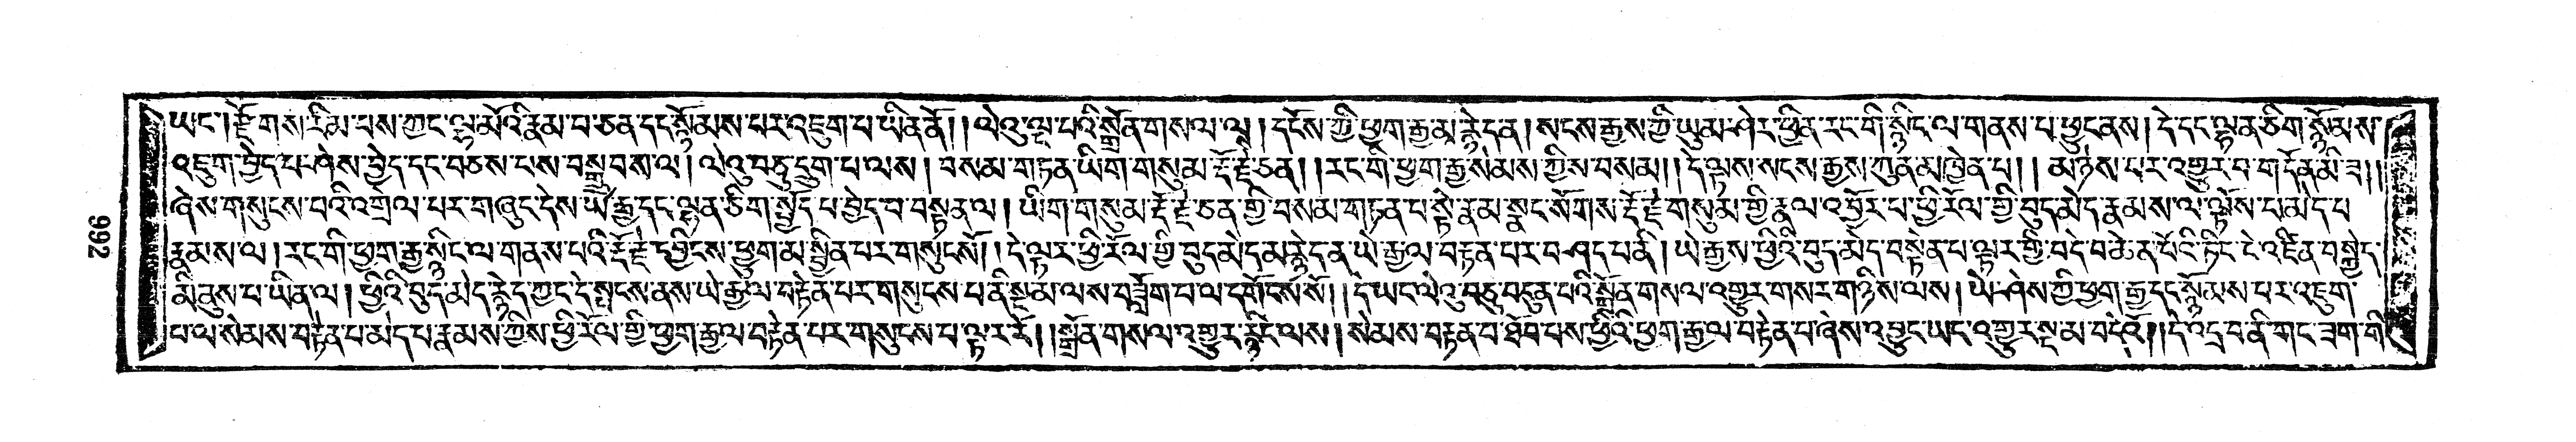ཡང་། རྫོགས་རིམ་པས་ཀྱང་ལྷ་མོའི་རྣམ་པ་ཅན་དང་སྙོམས་པར་འཇུག་པ་ཡིན་ནོ། །ལེའུ་ལྔ་པའི་སྒྲོན་གསལ་ལས། དངོས་ཀྱི་ཕྱག་རྒྱ་མ་རྙེད་ན། སངས་རྒྱས་ཀྱི་ཡུམ་ཤེར་ཕྱིན་རང་གི་སྙིང་ལ་གནས་པ་ཕྱུང་ནས། དེ་དང་ལྷན་ཅིག་སྙོམས་
འཇུག་བྱེད་པ་ཤེས་བྱེད་དང་བཅས་པས་བསྒྲུབས་ལ། ལེའུ་བཅུ་དྲུག་པ་ལས། བསམ་གཏན་ཡིག་གསུམ་རྡོ་རྗེ་ཅན། །རང་གི་ཕྱག་རྒྱ་སེམས་ཀྱིས་བསམ། །དེ་ལྟས་སངས་རྒྱས་ཀུན་མཁྱེན་པ། །མཉེས་པར་འགྱུར་བ་གདོན་མི་ཟ། །
ཞེས་གསུངས་པའི་འགྲེལ་པར་གཞུང་དེས་ཡི་རྒྱ་དང་ལྷན་ཅིག་སྤྱོད་པ་བྱེད་པ་བསྟན་ལ། ཡིག་གསུམ་རྡོ་རྗེ་ཅན་གྱི་བསམ་གཏན་པ་སྟེ་རྣམ་སྣང་སོགས་རྡོ་རྗེ་གསུམ་གྱི་རྣལ་འབྱོར་པ་ཕྱི་རོལ་གྱི་བུད་མེད་རྣམས་ལ་ལྟོས་པ་མེད་པ་
རྣམས་ལ། རང་གི་ཕྱག་རྒྱ་སྙིང་ལ་གནས་པའི་རྡོ་རྗེ་དབྱིངས་ཕྱུག་མ་སྦྱིན་པར་གསུངས་སོ། །དེ་ལྟར་ཕྱི་རོལ་གྱི་བུད་མེད་མ་རྙེད་ན་ཡེ་རྒྱ་ལ་བརྟན་པར་བཤད་པ་ནི། ཡེ་རྒྱས་ཕྱིའི་བུད་མེད་བསྟེན་པ་ལྟར་གྱི་བདེ་བ་ཆེམ་པོའི་ཏིང་ངེ་འཛིན་བསྐྱེད་
མི་ནུས་པ་ཡིན་ལ། ཕྱིའི་བུད་མེད་རྙེད་ཀྱང་དེ་སྤངས་ནས་ཡེ་རྒྱ་ལ་བརྟེན་པར་གསུངས་པ་ནི་སྔ་མ་ལས་བཟློག་པ་ལ་དགོངས་སོ། །དེ་ཡང་ལེའུ་བཅུ་བདུན་པའི་སྒྲོན་གསལ་འགྱུར་གསར་གཉིས་ལས། ཡེ་ཤེས་ཀྱི་ཕྱག་རྒྱ་དང་སྙོམས་པར་འཇུག་
པ་ལ་སེམས་བརྟེན་པ་མེད་པ་རྣམས་ཀྱིས་ཕྱི་རོལ་གྱི་ཕྱག་རྒྱ་ལ་བརྟེན་པར་གསུངས་པ་ལྟར་རོ། །སྒྲོན་གསལ་འགྱུར་རྙིང་ལས། སེམས་བརྟན་པ་ཐོབ་པས་ཕྱིའི་ཕྱག་རྒྱ་ལ་བརྟེན་པ་ཞེས་འབྱུང་ཡང་འགྱུར་སྔ་མ་བདེའོ། །དེ་འདྲ་བ་ནི་གང་ཟག་གི་